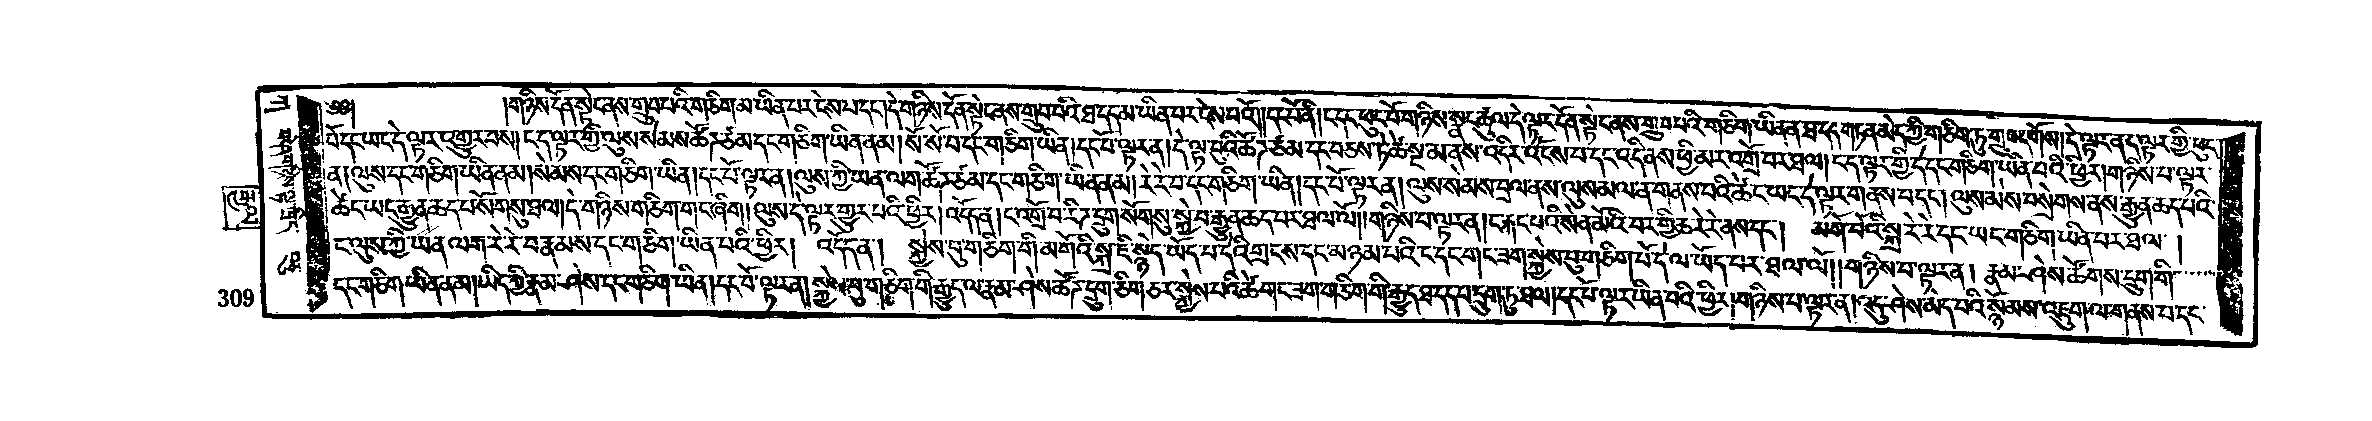༄༅། །གཉིས་དོན་སྟེང་ནས་གྲུབ་པའི་གཅིག་མ་ཡིན་པར་ངེས་པ་དང་། དེ་གཉིས་དོན་སྟེང་ནས་གྲུབ་པའི་ཐ་དད་མ་ཡིན་པར་ངེས་པའོ། །དང་པོ་ནི། ང་དང་ཕུང་པོ་གཉིས་སྣང་ཚུལ་དེ་ལྟར་དོན་སྟེང་ནས་གྲུབ་པའི་གཅིག་ཡིན་ན་ཐ་དད་གཏན་མེད་ཀྱི་གཅིག་ཏུ་གྲུབ་དགོས། དེ་ལྟར་ན་ད་ལྟར་གྱི་ཕུང་
པོ་དང་ཡང་དེ་ལྟར་འགྱུར་བས། ང་ད་ལྟར་གྱི་ལུས་སེམས་ཚོགས་ཙམ་དང་གཅིག་ཡིན་ནམ། སོ་སོ་བ་དང་གཅིག་ཡིན། དང་པོ་ལྟར་ན། དེ་ལྟ་བུའི་ཚོགས་ཙམ་དང་བཅས་ཏེ་ཚེ་སྔ་མ་ནས་འདིར་འོངས་པ་དང་འདི་ནས་ཕྱི་མར་འགྲོ་བར་ཐལ། ང་ད་ལྟར་གྱི་དེ་དང་གཅིག་ཡིན་པའི་ཕྱིར། གཉིས་པ་ལྟར་
ན། ལུས་དང་གཅིག་ཡིན་ནམ། སེམས་དང་གཅིག་ཡིན། དང་པོ་ལྟར་ན། ལུས་ཀྱི་ཡན་ལག་ཚོགས་ཙམ་དང་གཅིག་ཡིན་ནམ། རེ་རེ་བ་དང་གཅིག་ཡིན། དང་པོ་ལྟར་ན། ལུས་སེམས་བྲལ་ནས་ལུས་མལ་ན་གནས་པའི་ཚེ་ང་ཡང་དེ་ལྟར་གནས་པ་དང་། ལུས་མེས་བསྲེགས་ནས་རྒྱུན་ཆད་པའི་
ཚེད་ཡང་རྒྱུན་ཆད་པ་སོགས་སུ་ཐལ། དེ་གཉིས་གཅིག་གང་ཞིག །ལུས་དེ་ལྟར་གྱུར་པའི་ཕྱིར། འདོད་ན། ང་འགྲོ་བ་རིགས་དྲུག་སོགས་སུ་སྐྱེ་བ་རྒྱུན་ཆད་པར་ཐལ་ལོ། །གཉིས་པ་ལྟར་ན། ང་རྐང་པའི་སེན་མོའི་བར་གྱི་ཆ་རེ་རེ་ནས་དང་། མགོ་བོའི་སྐྲ་རེ་རེ་དང་ཡང་གཅིག་ཡིན་པར་ཐལ།
ང་ལུས་ཀྱི་ཡན་ལག་རེ་རེ་བ་རྣམས་དང་གཅིག་ཡིན་པའི་ཕྱིར། འདོད་ན། སྐྱེས་བུ་གཅིག་གི་མགོའི་སྐྲ་ཇི་སྙེད་ཡོད་པ་དེའི་གྲངས་དང་མཉམ་པའི་ང་དང་གང་ཟག་སྐྱེས་བུ་གཅིག་པོ་དེ་ལ་ཡོད་པར་ཐལ་ལོ། །གཉིས་པ་ལྟར་ན། རྣམ་ཤེས་ཚོགས་དྲུག་གི་
དང་གཅིག་ཡིན་ནམ། ཡིད་ཀྱི་རྣམ་ཤེས་དང་གཅིག་ཡིན། དང་པོ་ལྟར་ན། སྐྱེས་བུ་གཅིག་གི་རྒྱུད་ལ་རྣམ་ཤེས་ཚོགས་དྲུག་ཅིག་ཅར་སྐྱེས་པའི་ཚེ་གང་ཟག་གཅིག་གི་རྒྱུད་ཐ་དད་པ་དྲུག་ཏུ་ཐལ། དང་པོ་ལྟར་ཡིན་པའི་ཕྱིར། གཉིས་པ་ལྟར་ན། འདུ་ཤེས་མེད་པའི་སྙོམས་འཇུག་ལ་གནས་པ་དང་